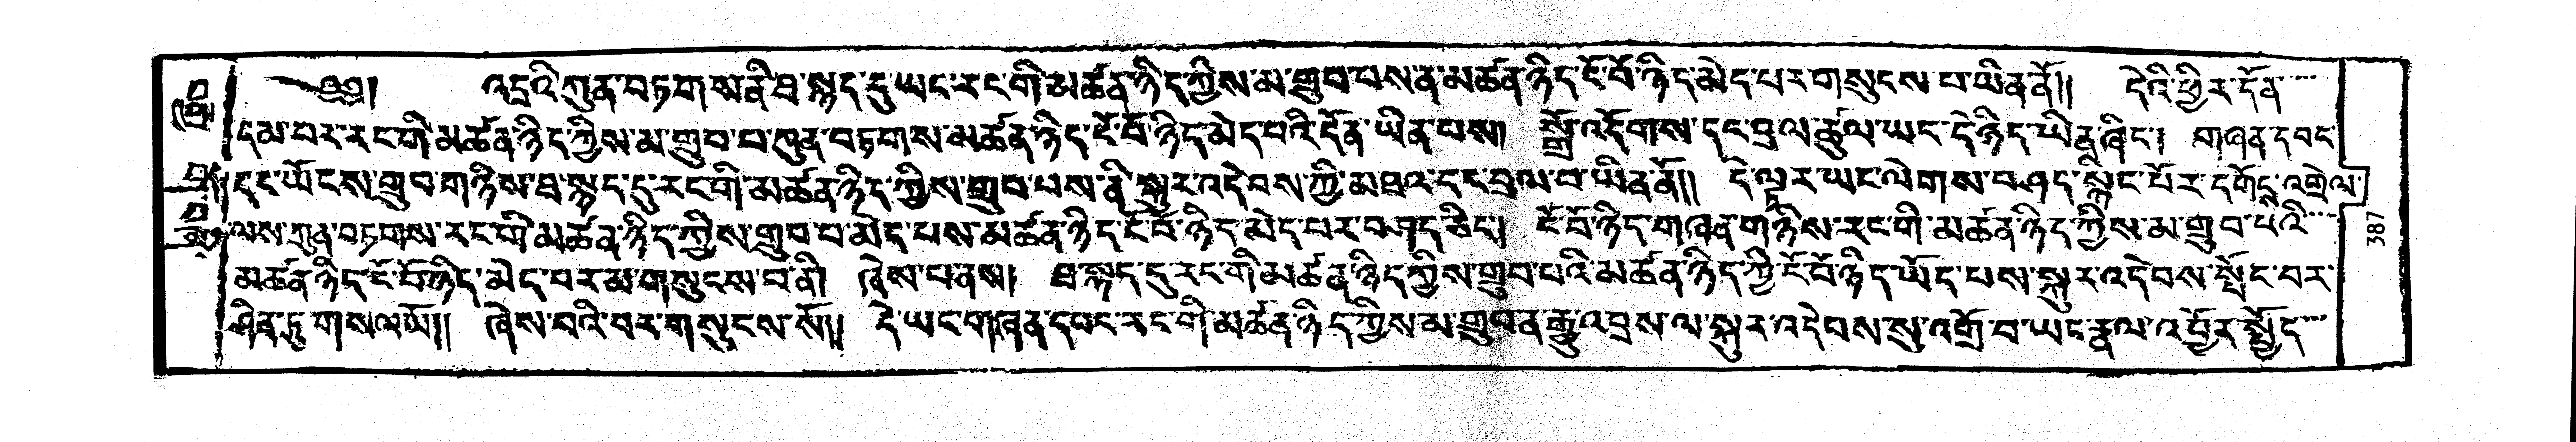༄༅། །འདྲའི་ཀུན་བཏགས་ནི་ཐ་སྙད་དུ་ཡང་རང་གི་མཚན་ཉིད་ཀྱིས་མ་གྲུབ་པས་ན་མཚན་ཉིད་ངོ་བོ་ཉིད་མེད་པར་གསུངས་པ་ཡིན་ནོ། །དེའི་ཕྱིར་དོན་
དམ་པར་རང་གི་མཚན་ཉིད་ཀྱིས་མ་གྲུབ་པ་ཀུན་བཏགས་མཚན་ཉིད་ངོ་བོ་ཉིད་མེད་པའི་དོན་ཡིན་པས། སྒྲོ་འདོགས་དང་བྲལ་ཚུལ་ཡང་དེ་ཉིད་ཡིན་ཞིང་། གཞན་དབང་
དང་ཡོངས་གྲུབ་གཉིས་ཐ་སྙད་དུ་རང་གི་མཚན་ཉིད་ཀྱིས་གྲུབ་པས་ནི་སྐུར་འདེབས་ཀྱི་མཐའ་དང་བྲལ་བ་ཡིན་ནོ། །དེ་ལྟར་ཡང་ལེགས་བཤད་སྙིང་པོར་དགོངས་འགྲེལ་
ལས་ཀུན་བཏགས་རང་གི་མཚན་ཉིད་ཀྱིས་གྲུབ་པ་མེད་པས་མཚན་ཉིད་ངོ་བོ་ཉིད་མེད་པར་བཤད་ཅིང་། ངོ་བོ་ཉིད་གཞན་གཉིས་རང་གི་མཚན་ཉིད་ཀྱིས་མ་གྲུབ་པའི་
མཚན་ཉིད་ངོ་བོ་ཉིད་མེད་པར་མ་གསུངས་པ་ནི། ཞེས་པ་ནས། ཐ་སྙད་དུ་རང་གི་མཚན་ཉིད་ཀྱིས་གྲུབ་པའི་མཚན་ཉིད་ཀྱི་ངོ་བོ་ཉིད་ཡོད་པས་སྐུར་འདེབས་སྤོང་བར་
ཤིན་ཏུ་གསལ་ལོ། །ཞེས་པའི་བར་གསུངས་སོ། །དེ་ཡང་གཞན་དབང་རང་གི་མཚན་ཉིད་ཀྱིས་མ་གྲུབ་ན་རྒྱུ་འབྲས་ལ་སྐུར་འདེབས་སུ་འགྲོ་བ་ཡང་རྣལ་འབྱོར་སྤྱོད་